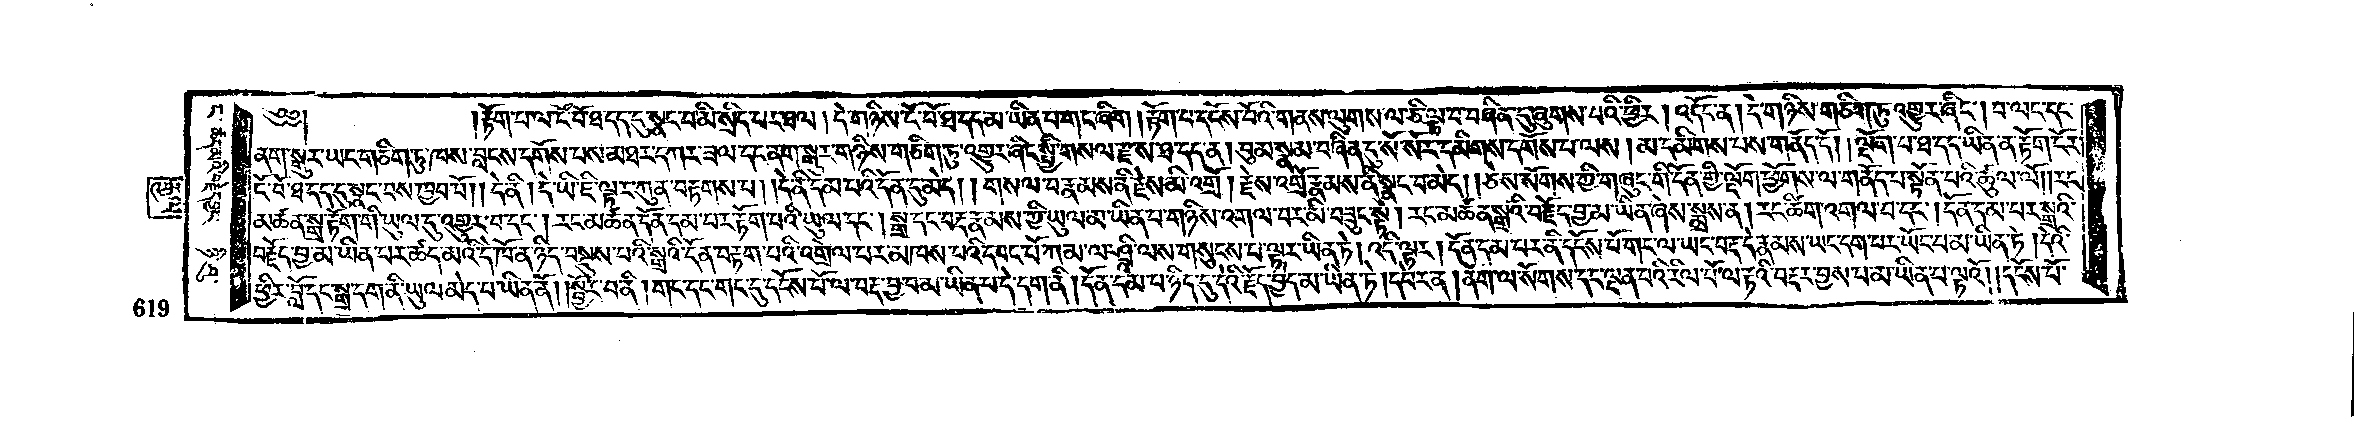༄༅། །རྟོག་པ་ལ་ངོ་བོ་ཐ་དད་དུ་མི་སྲིད་པར་ཐལ། །དེ་གཉིས་ངོ་བོ་ཐ་དད་མ་ཡིན་པ་གང་ཞིག །རྟོག་པ་དངོས་པོའི་གནས་ལུགས་ལ་ཅི་ལྟ་བ་བཞིན་དུ་བཞུགས་པའི་ཕྱིར། འདོད་ན། དེ་གཉིས་གཅིག་ཏུ་འགྱུར་ཞིང་། བ་ལང་དང་
ནག་སྒུར་ཡང་གཅིག་ཏུ་ཁས་བླངས་པས་མཐར་དཀར་ཟལ་དང་ནག་སྒུར་གཉིས་གཅིག་ཏུ་འགྱུར་ཞིང་སྤྱི་གསལ་རྫས་ཐ་དད་ན། བུམ་སྣམ་བཞིན་དུ་སོ་སོར་དམིགས་དགོས་པ་ལས། མ་དམིགས་པས་གནོད་དོ། །ལྡོག་པ་ཐ་དད་ཡིན་ན་རྟོག་ངོར་
ངོ་བོ་ཐ་དད་དུ་སྣང་བས་ཁྱབ་བོ། །དེ་ཡི་ཇི་ལྟར་ཀུན་བརྟགས་པ། །དེ་ནི་དམ་པའི་དོན་དུ་མེད། །གསལ་བ་རྣམས་ནི་རྗེས་མི་འགྲོ། རྗེས་འགྲོ་རྣམས་ནི་སྣང་བ་མེད། །ཅེས་སོགས་ཀྱི་གཞུང་གི་དོན་གྱི་ལྡོག་ཕྱོགས་ལ་གནོད་པ་སྟོན་པའི་ཚུལ་ལོ། །རང་
མཚན་སྒྲ་རྟོག་གི་ཡུལ་དུ་འགྱུར་བ་དང་། རང་མཚན་དོན་དམ་པར་རྟོག་པའི་ཡུལ་དང་། སྒྲ་དང་བརྡ་རྣམས་ཀྱི་ཡུལ་མ་ཡིན་པ་གཉིས་འགལ་བར་མི་བཟུང་སྟེ། རང་བཞིན་སྒྲའི་བརྗོད་བྱ་མ་ཡིན་ཞེས་སྨྲས་ན། རང་ཚིག་འགལ་བ་དང་། དོན་དམ་པར་སྒྲའི་
བརྗོད་བྱ་མ་ཡིན་པར་ཚད་མའི་དེ་ཁོ་ན་ཉིད་བསྡུས་པའི་དོན་བརྟག་པའི་འགྲེལ་པར་མཁས་པའི་དབང་པོ་ཀ་མ་ལ་ཤྲཱི་ལས་གསུངས་པ་ལྟར་ཡིན་ཏེ། འདི་ལྟར། དོན་དམ་པར་དངོས་པོ་གང་ལ་ཡང་བརྡ་དེ་རྣམས་ཡང་དག་པར་ཡོང་བ་མ་ཡིན་ཏེ། དེའི་
ཕྱིར་བློ་དང་སྒྲ་དག་ནི་ཡུལ་མེད་པ་ཡིན་ནོ། །སྦྱོར་བ་ནི། གང་དང་གང་དུ་དངོས་པོ་ལ་བརྡ་བྱ་བ་མ་ཡིན་པ་དེ་དག་ནི། དོན་དམ་པ་ཉིད་དུ་དེའི་རྗོད་བྱེད་མ་ཡིན་ཏེ། དཔེར་ན། ནག་ལ་སོགས་དང་ལྡན་པའི་རིལ་པོ་ལ་རྟའི་བརྡར་བྱས་པ་མ་ཡིན་པ་ལྟའོ། །དངོས་པོ་